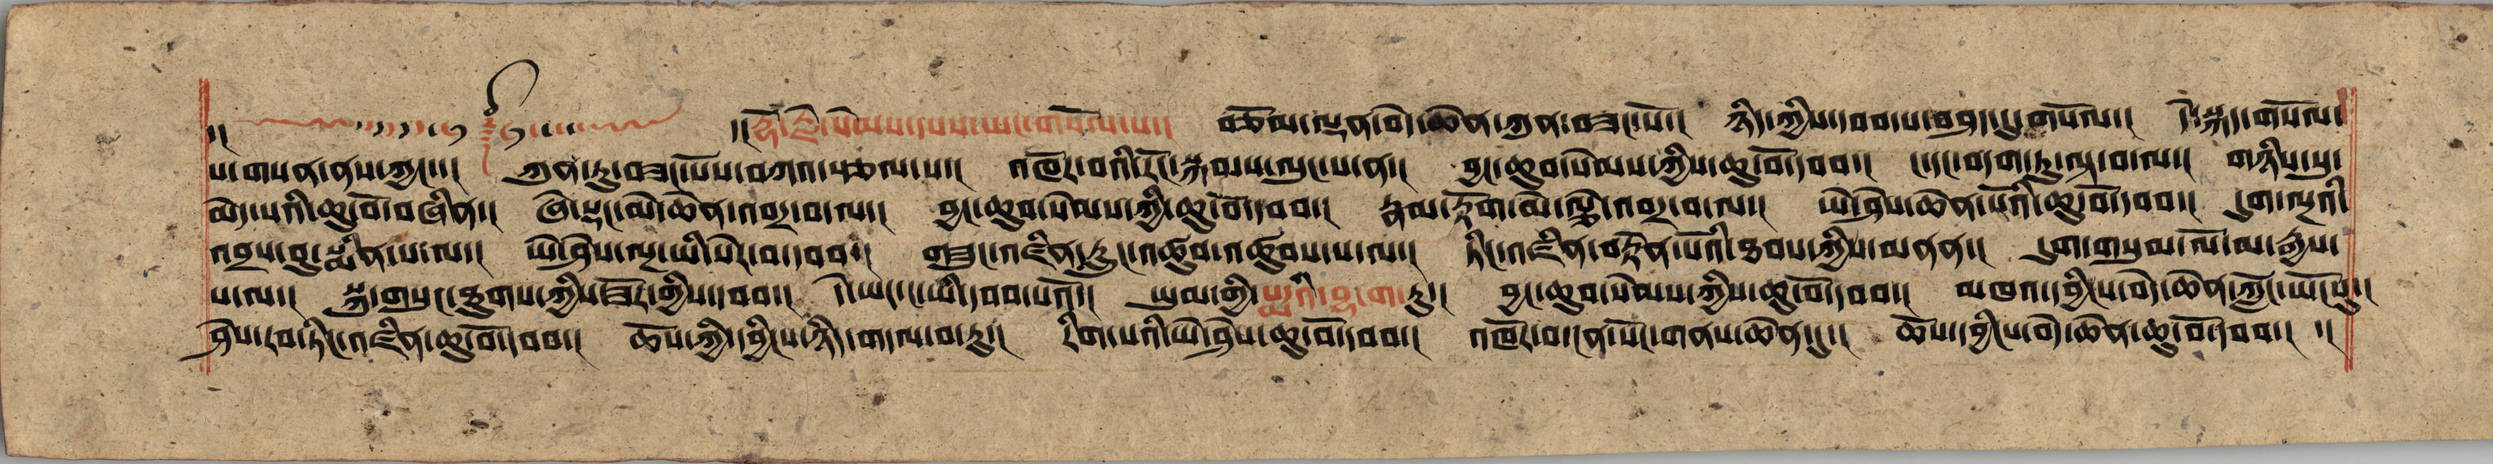་། ༈ ་།རྡོ་རྗེ་སེམས་དཔས་ཡང་གསོལ་པ་། བཅོམ་ལྡན་བདེ་ཆེན་ཀུན་བཟང་པོ་། ཉིད་ཀྱིས་དབབ་པ་བཤད་དུ་གསོལ་། དེ་སྐད་གསོལ་
པ་གསན་ནས་ཀྱང་་། ཀུན་ཏུ་བཟང་པོས་བཀའ་སྩལ་པ་། འཁོར་བའི་རོང་སྐམས་ལུང་པ་ན་། བྱང་ཆུབ་སེམས་ཀྱིས་ཆུ་བོ་དབབ་། ང་དང་བདག་ཏུ་ལྟ་བ་ལ་། གཉིས་སུ་
མེད་པའི་ཆུ་བོ་བཞིན་། ཞེ་སྡང་མེ་ཆེན་འབར་བ་ལ་། བྱང་ཆུབ་སེམས་ཀྱི་ཆུ་བོ་དབབ་། རྣམ་རྟོག་མེ་ལྕེ་འབར་བ་ལ་། ཡེ་ཤེས་ཆེན་པོའི་ཆུ་བོ་དབབ་། དུག་ལྔའི་
འབྲས་བུ་སྨིན་པ་ལ་། ཡེ་ཤེས་ལྔ་ཡི་སེར་བ་དབབ་། གཟུང་འཛིན་རླུང་འཚུབ་འཚུབ་པ་ལ་། ཏིང་འཛིན་བརྟེན་པོའི་ཐབས་ཀྱིས་མནན་། དུག་གསུམ་ལོ་མ་རྒྱས་
པ་ལ་། སྐུ་གསུང་ཐུགས་ཀྱིས་ཟོར་གྱིས་དབབ་། དེ་ཡང་ང་ཡི་དབབ་པའོ་། ཡུམ་གྱི་པདྨའི་བྷ་ག་རུ་། བྱང་ཆུབ་སེམས་ཀྱིས་ཆུ་བོ་དབབ་། མཁའ་དབྱིངས་བདེ་ཆེན་ཀློང་ཡོངསུ་།
ཤེས་རབ་ཏིང་འཛིན་ཆུ་བོ་དབབ་། ཆོས་ཀྱི་དབྱིངད་ཉིད་གདལ་བ་རུ་། རིག་པའི་ཡེ་ཤེས་ཆུ་བོ་དབབ་། འཁོར་བ་ངན་སོང་གནས་ཆེན་དུ་། ཆོས་དབྱིངས་བདེ་ཆེན་ཆུ་བོ་དབབ་། ་